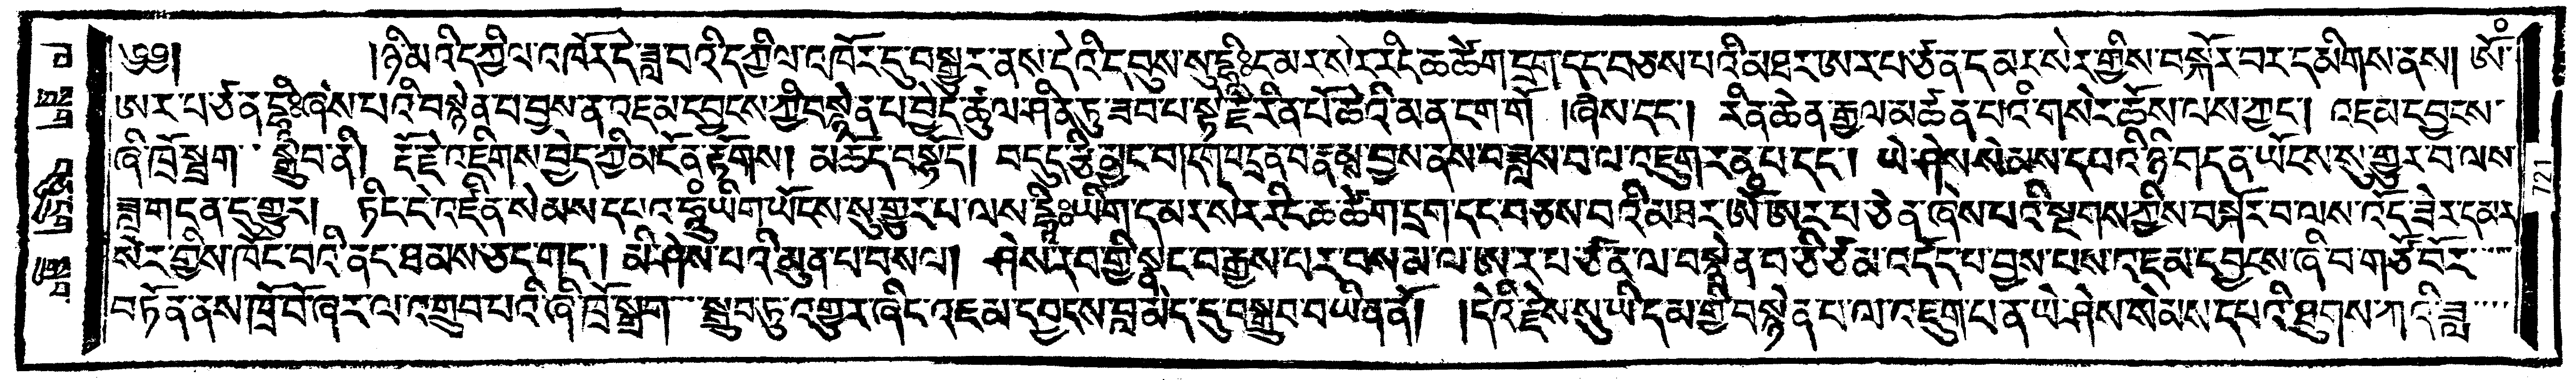༄༅། །ཉི་མའི་དཀྱིལ་འཁོར་དེ་ཟླ་བའི་དཀྱིལ་འཁོར་དུ་བསྒྱུར་ནས་དེའི་དབུས་སུ་དྷཱིཿདམར་སེར་རིང་ཆ་ཚེག་དྲག་དང་བཅས་པའི་མཐར་ཨ་ར་པ་ཙ་ན་དམར་སེར་གྱིས་བསྐོར་བར་དམིགས་ནས། ཨོཾ་
ཨ་ར་པ་ཙ་ན་དྷཱིཿཞེས་པའི་བསྙེན་བ་བྱས་ན་འཇམ་དབྱངས་ཀྱི་བསྙེན་པ་བྱེད་ཚུལ་ཤིན་ཏུ་ཟབ་པ་སྟེ་རྗེ་རིན་པོ་ཆེའི་མན་ངག་གོ །ཞེས་དང་། རིན་ཆེན་རྒྱལ་མཚན་པའི་གསེར་ཆོས་ལས་ཀྱང་། འཇམ་དབྱངས་
ཞི་ཁྲོ་སྦྲག་སྒྲུབ་ནི། རྡོ་རྗེ་འཇིགས་བྱེད་ཀྱི་མངོན་རྟོགས། མཆོད་བསྟོད། བདུད་རྩི་མྱང་བ། དག་པ་དྲན་པ་རྣམས་བྱས་ནས་བཟླས་བ་ལ་འཇུག་རན་པ་དང་། ཡེ་ཤེས་སེམས་དཔའི་ཉི་གདན་ཡོངས་སུ་གྱུར་བ་ལས་
ཟླ་གདན་དུ་གྱུར། ཏིང་ངེ་འཛིན་སེམས་དཔའ་ཧཱུཾ་ཡིག་ཡོངས་སུ་གྱུར་པ་ལས་དྷཱིཿཡིག་དམར་སེར་རིང་ཆ་ཚེག་དྲག་དང་བཅས་པའི་མཐར་ཨོཾ་ཨ་ར་པ་ཙ་ན་ཞེས་པའི་སྔགས་ཀྱིས་བསྐོར་བ་ལས་འོད་ཟེར་དམར་
སེར་གྱིས་ཁོང་བའི་ནང་ཐམས་ཅད་གང་། མི་ཤེས་པའི་མུན་པ་བསལ། ཤེས་རབ་གྱི་སྣང་བ་རྒྱས་པར་བསམ་ལ་ཨ་ར་པ་ཙ་ན་ལ་བསྙེན་བ་ཅི་ཙམ་འདོད་པ་བྱས་པས་འཇམ་དབྱངས་ཞི་བ་གཙོ་བོར་
བཏོན་ནས་ཁྲོ་བོ་ཞར་ལ་འགྲུབ་པའི་ཞི་ཁྲོ་སྒྲག་སྒྲུབ་ཏུ་འགྱུར་ཞིང་འཇམ་དབྱངས་བླ་མེད་དུ་བསྒྲུབ་བ་ཡིན་ནོ། །དེའི་རྗེས་སུ་ཡི་དམ་གྱི་བསྙེན་པ་ལ་འཇུག་པ་ན་ཡེ་ཤེས་སེམས་དཔའི་ཐུགས་ཀའི་ཟླ་